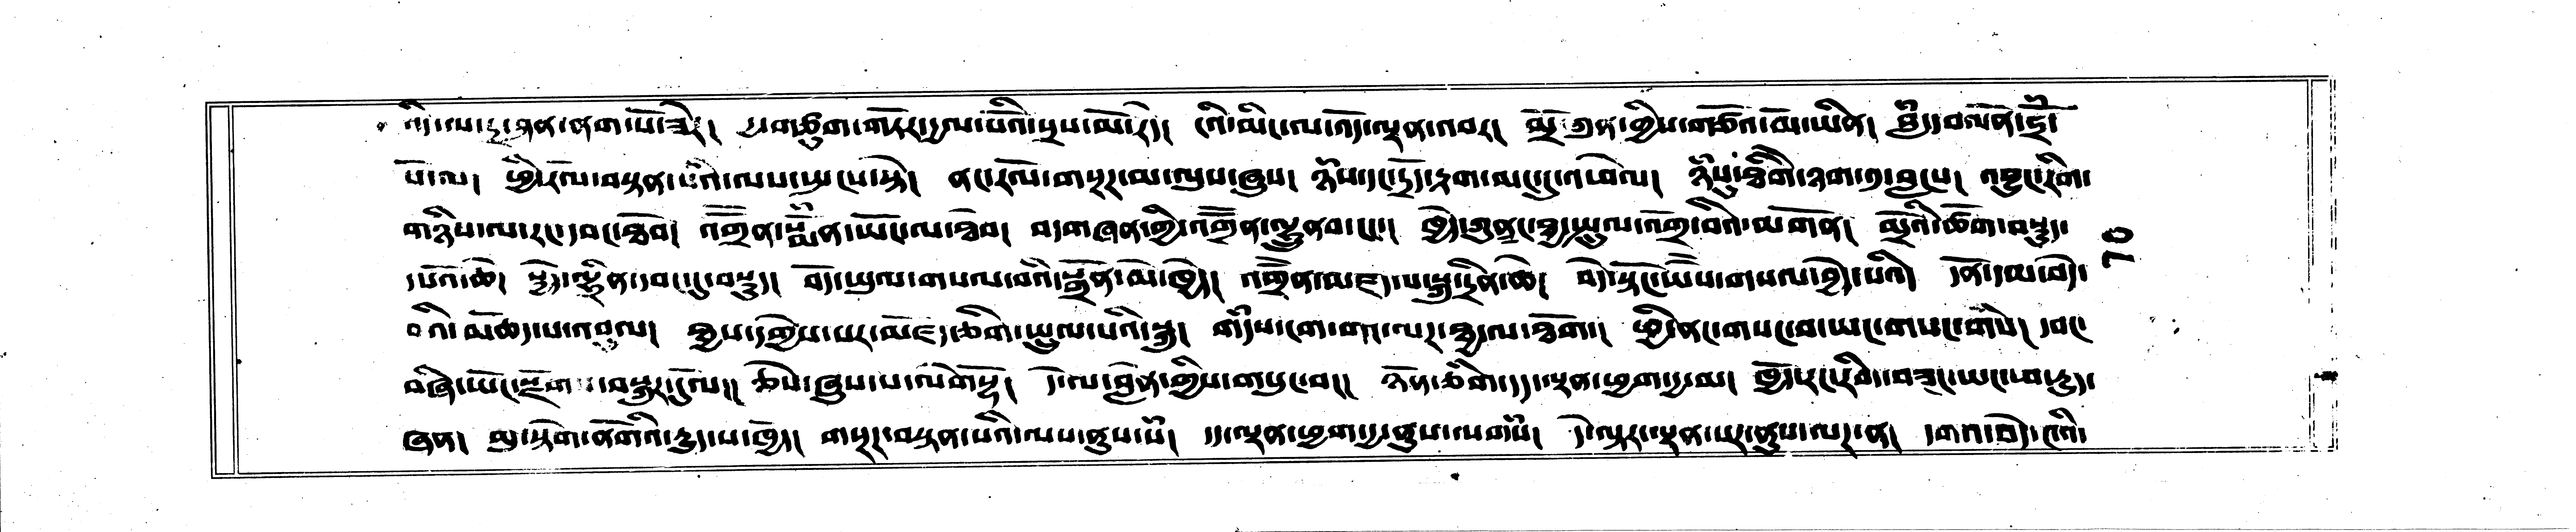འདི་ལ་དྲ་ཤན་ནག་པོ་ཟེར། རྒྱ་གཙུག་ཏོར་རྒྱལ་པོའི་སྲས་མོ་རེད། ངའི་མིང་ལ་འོད་ལྡན་འབར། མཁའ་འགྲོ་ཀུན་གྱི་གཙོ་མོ་ཡིན། བླ་མ་དབལ་བོན་ཧྲོམ་
པོ་ལ། ཕྱི་རོལ་བསྟན་པའི་ལས་སྤངས་ཏེ། ནང་རོལ་གསང་སྔགས་མ་ལུས་ཞུས། ཉམས་དང་དྲོད་རྟགས་མང་དུ་འཕེལ། ཉམས་སུ་ཐིག་ལེ་ཉག་གཅིག་བླངས། འབྱུང་རིག་
གཉིས་ལ་རང་དབང་ཐོབ། འགྲོ་དོན་སྨོན་ལམ་ཡོངས་ལ་ཐོབ། བདག་གཞན་གྱི་འགྲོ་དོན་ལྷུན་གྲུབ་ངང་། ཁྱེད་ཀུན་བཟང་ཐུགས་སྤྲུལ་འགྲོ་བའི་མགོན། མཁའ་འགྲོའི་ཚོགས་སྡུད་
དཔའ་བོ་ཆེ། སྡེ་བརྒྱད་ལྷ་སྲིན་དབང་དུ་སྡུད། བོད་ཡུལ་གསལ་བའི་སྒྲོནམེ་ཁྱེད། འགྲོ་དོན་མཛད་པ་སྐུ་དྲིན་ཆེ། བདེ་སྟོང་ཡེ་ཤེས་གསལ་བྱེད་པའི། དོན་དམ་བདེ་
བའི་མཆོད་པ་འབུལ། ཐུགས་དགྱེས་པར་མཛོད་ཅིག་སྤྲུལ་པའི་སྐུ། གདམས་ངག་གང་ལགས་ཐུགས་ལ་ཐོག ཕྱི་ནང་གསང་བ་ཡང་གསང་གིས། དབང་
བཞི་ཡོངས་རྫོགས་བསྐུར་དུ་གསོལ། ཅེས་ཞུས་པ་ལེགས་སོ། །དེ་ལ་བླ་ཆེན་གྱིས་གསུངས་པ། ཉོན་ཅིག་དད་ལྡན་ཕྱག་རྒྱ་མ། ཁྱོད་རང་རིག་བཟང་ཡང་ཕ་རྒྱུད་
ཞན། མུ་སྟེགས་ནག་པོའི་རྒྱུད་པ་ཁྱོད། གསང་སྔགས་ནག་པོའི་ལས་ནུས་སམ། དད་ལྡན་ཕྱག་རྒྱ་ནུས་ལགས་སམ། དེ་ལྟར་ལྡན་པར་ནུས་ལགས་སམ། དགའ་བདེ་བཞི་ཡི་